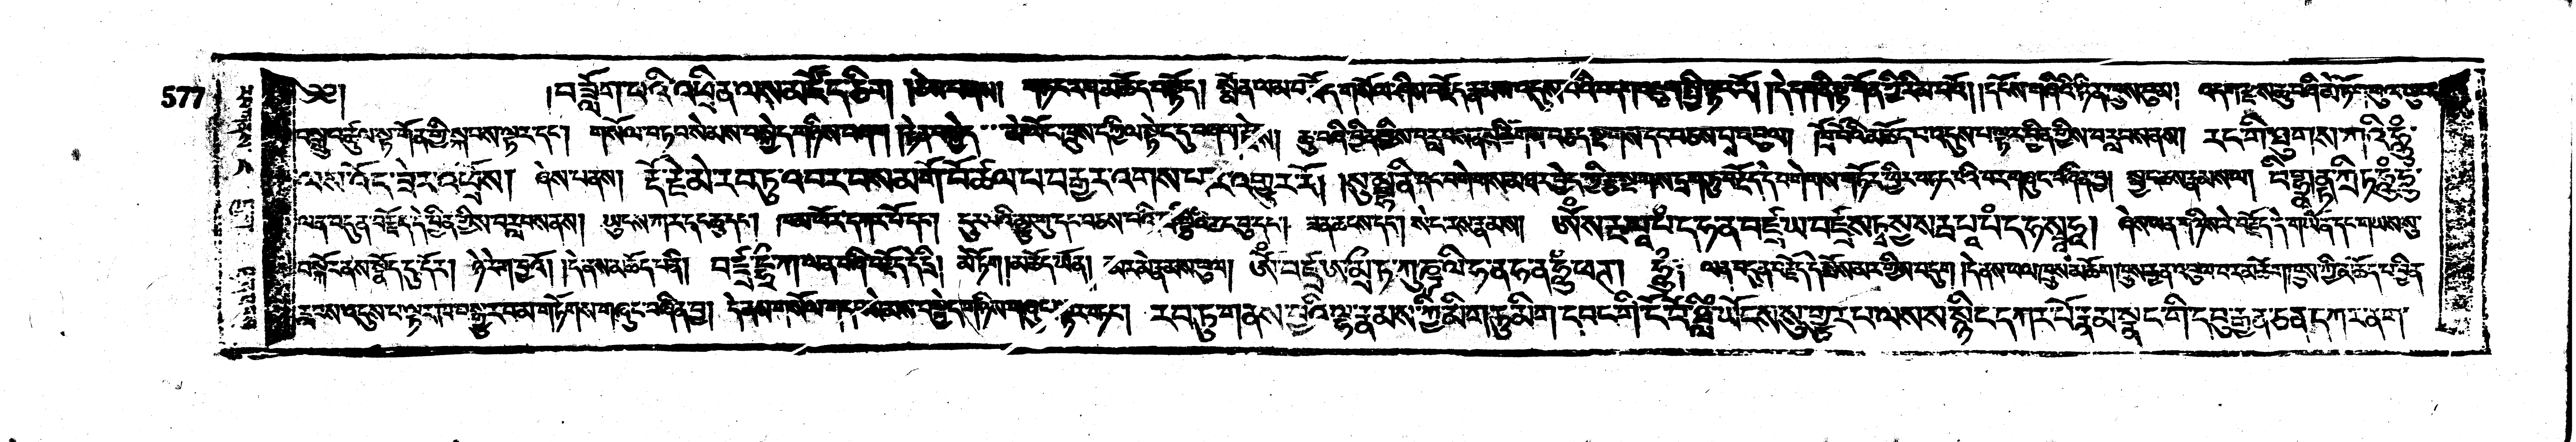༄༅། །བཟློག་པའི་འཕྲིན་ལས་མཛོད་ཅིག །ཅེས་པ་ནས། གཏང་རག་མཆོད་བསྟོད། སྨོན་ལམ་བཟོད་གསོལ་ཤིས་བརྗོད་རྣམས་འདུས་པའི་བདག་འཇུག་སྤྱི་ལྟར་རོ། །དེ་དག་ནི་སྟ་གོན་གྱི་རིམ་པའོ། །དངོས་གཞིའི་ཉིན་ཁྲུས་བུམ། འདག་རྫས་ཆུ་བཞི་མེ་ཏོག་གུལ་ཡུངས་
བསྒྲུབ་ཚུལ་སྟ་གོན་གྱི་སྐབས་ལྟར་དང་། གསོལ་བཏབ་སེམས་བསྐྱེད་གཉིས་བཞག །རྟེན་བསྐྱེད། མེ་ལོང་ཁྲུས་དཀྱིལ་སྟེང་དུ་བཞག་རྗེས། ཆུ་བཞི་བྱིན་གྱིས་བརླབས་ནས་ཚིགས་བཅད་སྔགས་དང་བཅས་བས་འབུལ། ཁྲོ་བོའི་མཆོད་པ་འདུས་པ་ལྟར་བྱིན་གྱིས་བརླབས་ནས། རང་གི་ཐུགས་ཀའི་ཧཱུཾ་
ལས་འོད་ཟེར་འཕྲོས། ཞེས་པ་ནས།  རྡོ་རྗེ་མེ་རབ་ཏུ་འབར་བས་མགོ་བོ་ཚལ་པ་བརྒྱར་འགས་པར་འགྱུར་རོ། །སུམྦྷ་ནི་དང་བགེགས་མཐར་བྱེད་ཀྱི་རྩ་སྔགས་དྲག་ཏུ་བརྗོད་དེ་བགེགས་གཏོར་ཕྱིར་བཏའི་ཟའི་བར་གཞུང་བཞིན་བྱ། སྦྱང་ཆས་རྣམས་ལ།  བིགྷྣནྟ་ཀྲིཏ་ཧཱུཾ་ཧཱུཾ་
ལན་བདུན་བརྗོད་དེ་བྱིན་གྱིས་བརླབས་ནས། ཡུངས་ཀར་དང་ཆུ་དང་། ཁམ་ཕོར་དཀར་པོ་དང་། དུར་བའི་མྱུ་གུ་དང་བཅས་པའི་བརྩིའི་ཆང་བུ་དང་། ཟན་ཆངས་དང་། སེར་རས་རྣམས།  ཨོཾ་སརྦ་པཱ་པཾ་ད་ཧ་ན་བཛྲ་ཡ་བཛྲ་སཏྭ་སྱ་སརྦ་པཱ་པཾ་ད་ཧ་སྭཱཧཱ། ཞེས་ལན་གཉིས་རེ་བརྗོད་དེ་གཡོན་དང་གཡས་སུ་
བསྐོར་ནས་སྣོད་དུ་དོར། ཉེ་རེག་བྱའོ། །དེ་ནས་མཆོད་པ་ནི། བཛྲ་དྷྲྀ་ཀ་ལན་བཞི་བརྗོད་དེ་དྲི། མེ་ཏོག །མཆོད་ཡོན། མར་མེ་རྣམས་བུལ།  ཨོཾ་བཛྲ་ཨ་མྲྀ་ཏ་ཀུཎྜ་ལི་ཧ་ན་ཧ་ན་ཧཱུཾ་ཕཊ། ཧཱུཾ། ལན་བདུན་བརྗོད་དེ་སྤོས་མར་གྱིས་བདུག །དེ་ནས་ཕལ་ཁྲུས་མཆོག་ཁྲུས་རྒྱན་འབུལ་བར་མཆོག་ཁྲུས་ཀྱི་མཆོད་པ་བྱིན་
རླབས་འདུས་པ་ལྟར་ཁ་བསྒྱུར་བ་མ་གཏོགས་གཞུང་བཞིན་བྱ། དེ་ནས་གསོལ་གདབ་སེམས་བསྐྱེད་གཉིས་གཞུང་ལྟར་བཏང་། རབ་ཏུ་གནས་བྱའི་ལྷ་རྣམས་ཀྱི་མིག་ཏུ། ཐླིཾ་ཡོངས་སུ་གྱུར་པ་ལས་ས་སྙིང་དཀར་པོ་རྣམ་སྣང་གི་དབུ་རྒྱན་ཅན་དཀར་ནག་